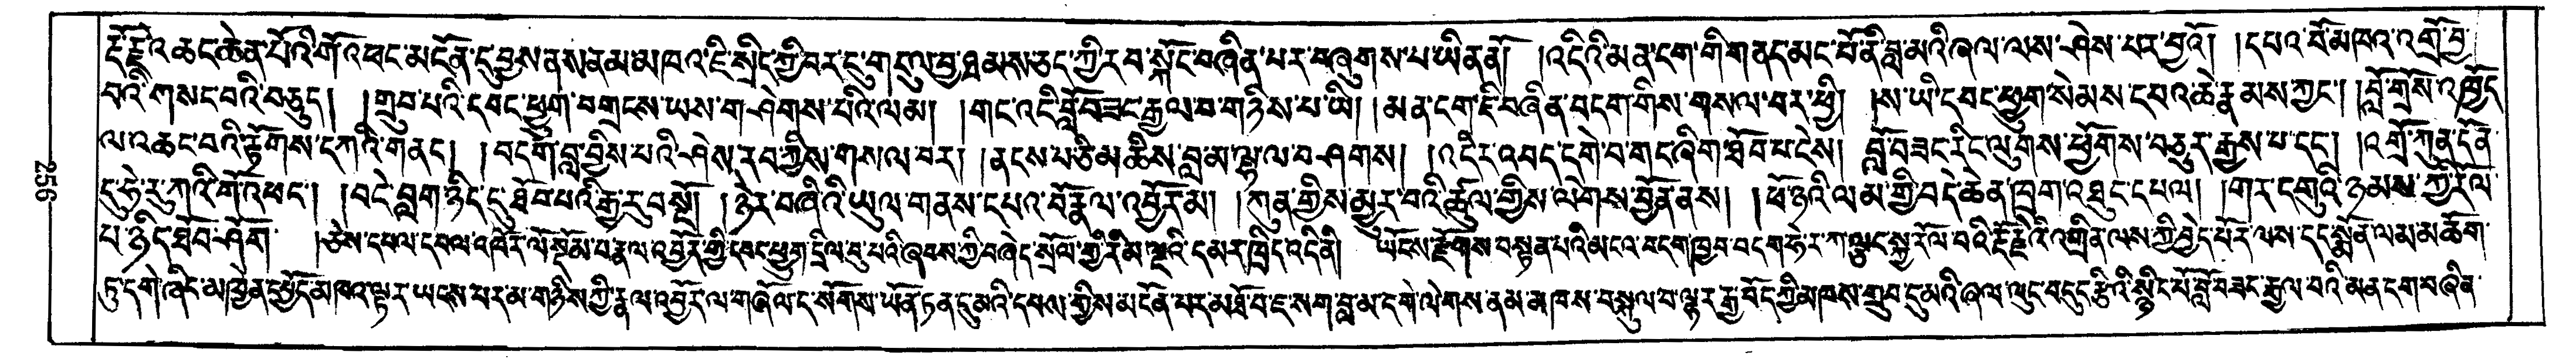རྡོ་རྗེ་འཆང་ཆེན་པོའི་གོ་འཕང་མངོན་དུ་བྱས་ནས་ནམ་མཁའ་ཇི་སྲིད་ཀྱི་བར་དུ་གདུལ་བྱ་ཐམས་ཅད་ཀྱི་རེ་བ་སྐོང་བཞིན་པར་བཞུགས་པ་ཡིན་ནོ། །འདིའི་མན་དག་གི་གནད་མང་པོ་ནི་བླ་མའི་ཞལ་ལས་ཤེས་པར་བྱའོ། །དཔའ་བོ་མཁའ་འགྲོ་བྱ་
བའི་གསང་བའི་བཅུད། །གྲུབ་པའི་དབང་ཕྱུག་བགྲངས་ཡས་གཤེགས་པའི་ལམ། །གང་འདི་བློ་བཟང་རྒྱལ་བ་གཉིས་པ་ཡི། །མན་ངག་ཇི་བཞིན་བདག་གིས་གསལ་བར་ཕྱེ། །ས་ཡི་དབང་ཕྱུག་སེམས་དཔའ་ཆེ་རྣམས་ཀྱང་། །བློ་གྲོས་འཁྱོག་
ལ་འཆང་བའི་རྟོགས་དཀའི་གནད། །བདག་བློ་བྱིས་པའི་ཤེས་རབ་ཀྱིས་གསལ་བར། །ནོངས་བ་ཅི་མཆིས་བླ་མ་ལྷ་ལ་བཤགས། །འདིར་འབད་དགེ་བ་གང་ཞིག་ཐོབ་པ་དེས། །བློ་བཟང་རིད་ལུགས་ཕྱོགས་བཅུར་རྒྱས་པ་དང་། །འགྲོ་ཀུན་དོན་
དུ་ཧེ་རུ་ཀའི་གོ་འཕང་། །བདེ་བླག་ཉིད་དུ་ཐོབ་པའི་རྒྱུ་དུ་བསྔོ། །ཉེར་བཞིའི་ཡུལ་གནས་དཔའ་བོ་རྣལ་འབྱོར་མ། །ཀུན་གྱིས་མྱུར་བའི་ཚུལ་གྱིས་ལེགས་བྱོན་ནས། །ཕོ་ཉའི་ལམ་གྱི་བདེ་ཆེན་ཁྲག་འཐུད་དབལ། །གར་དགུའི་ཉམས་ཀྱི་རོལ་
པ་ཉིད་ཐོབ་ཤོག །ཅེས་དཔལ་དཔལ་འཁོར་ལོ་སྔོམ་པ་རྣལ་འབྱོར་གྱི་དབང་ཕྱུག་དྲིལ་བུ་བའི་ཞབས་ཀྱི་བཞེད་སྲོལ་གྱི་རིམ་ལྔའི་དམར་ཁྲིད་འདི་ནི། ཡོངས་རྫོགས་བསྟན་པའི་མདའ་བདག་ཁྱབ་བར་ག་ཧེ་རུ་ཀ་ལྕང་སྐྱ་རོལ་བའི་རྡོ་རྗེ་འཕྲིན་ལས་ཀྱི་བྱེད་པོར་ལས་དང་སྨོན་ལམ་མཆོག་
ཏུ་དགེ་ཞིང་མཁྱེན་དཔྱོད་མཁའ་ལྟར་ཡངས་པར་རིམ་གཉིས་ཀྱི་རྣལ་འབྱོར་ལ་གཞོལ་བ་སོགས་ཡོན་ཏན་དུ་མའི་དཔལ་གྱིས་མངོན་པར་མཐོ་བ་ཇ་སག་བླ་མ་དགེ་ལེགས་ནམ་མཁས་བསྐུལ་བ་ལྟར་རྒྱ་བོད་ཀྱི་མཁས་གྲུབ་དུ་མའི་ཞལ་ལུང་བདུད་རྩིའི་སྙིང་པོ་བློ་བཟང་རྒྱལ་བའི་མན་ངག་བཞིན་